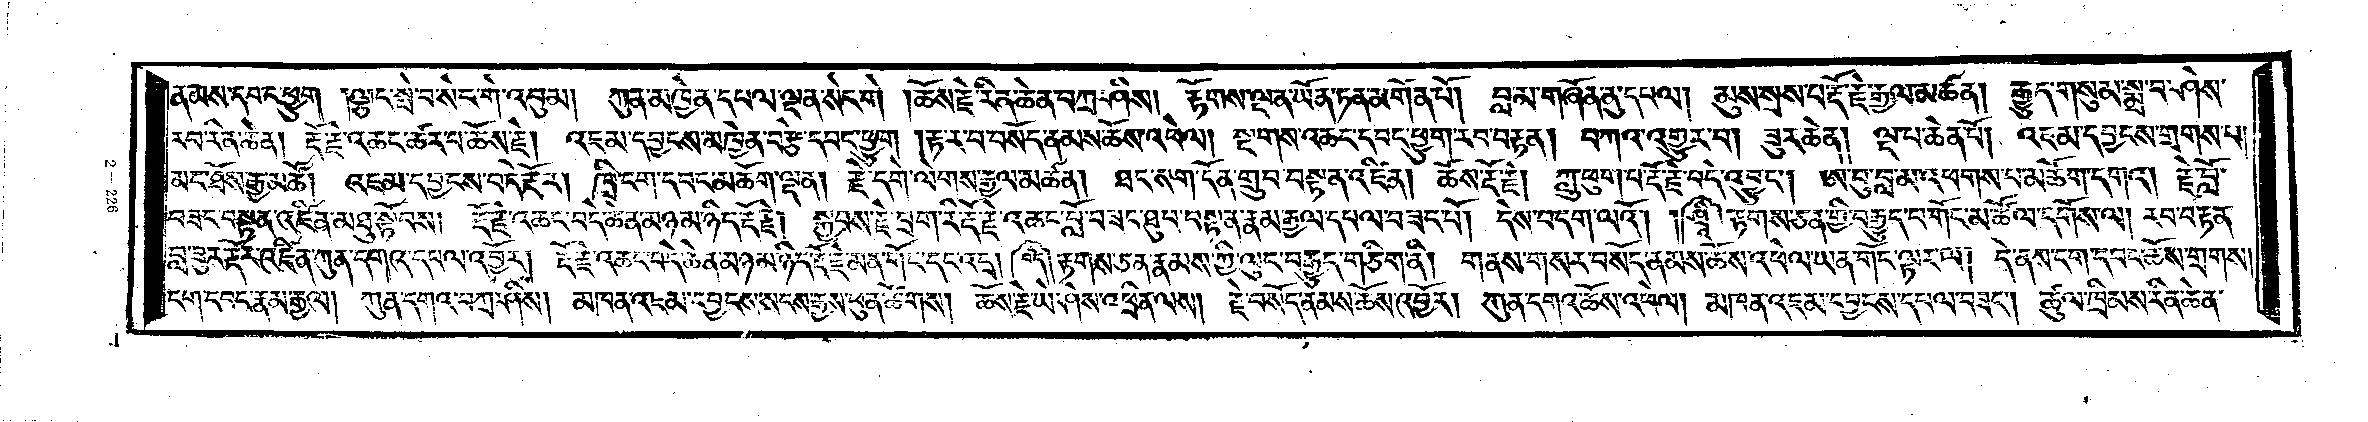ནམས་དབང་ཕྱུག །ལྕང་སྤེ་བ་སེང་གེ་འབུམ། ཀུན་མཁྱེན་དཔལ་ལྡན་སེང་གེ །ཆོས་རྗེ་རིན་ཆེན་བཀྲ་ཤིས། རྟོགས་ལྡན་ཡོན་ཏན་མགོན་པོ། བླ་མ་གཞོན་ནུ་དཔལ། མུས་སྲས་པ་རྡོ་རྗེ་རྒྱལ་མཚན། རྒྱུད་གསུམ་སྨྲ་བ་ཤེས་
རབ་རིན་ཆེན། རྡོ་རྗེ་འཆང་ཚར་པ་ཆོས་རྗེ། འཇམ་དབྱངས་མཁྱེན་བརྩེ་དབང་ཕྱུག །རྟ་ར་བ་བསོད་ནམས་ཆོས་འཕེལ། སྔགས་འཆང་དབང་ཕྱུག་རབ་བརྟན། བཀའ་འགྱུར་བ། ཟུར་ཆེན། ལྔ་པ་ཆེན་པོ། འཇམ་དབྱངས་གྲགས་པ།
མང་ཐོས་རྒྱ་མཚོ། འཇམ་དབྱངས་བདེ་རྡོར། ཁྲི་ངག་དབང་མཆོག་ལྡན། རྗེ་དགེ་ལེགས་རྒྱལ་མཚན། ཐང་སག་དོན་གྲུབ་བསྟན་འཛིན། ཆོས་རྡོ་རྗེ། ཀླུ་ཕུག་པ་རྡོ་རྗེ་བདེ་འབྱུང་། ཨ་བུ་བླ་མ་འཕགས་པ་མཆོག་དགའ། རྗེ་བློ་
བཟང་བསྟན་འཛིན་མཐུ་སྟོབས། རྡོ་རྗེ་འཆང་བདེ་ཆེན་མཉམ་ཉིད་རྡོ་རྗེ། སྐྱབས་རྗེ་བྲག་རི་རྡོ་རྗེ་འཆང་བློ་བཟང་ཐུབ་བསྟན་རྣམ་རྒྱལ་དཔལ་བཟང་པོ། དེས་བདག་ལའོ། །༼ཤྲཱི༽ རྟགས་ཅན་གྱི་བརྒྱུད་པ་གོང་མ་ཚོལ་དགོས་ལ། རབ་བརྟན་
བླ་ཟུར་རྡོར་འཛིན་ཀུན་དགའ་དཔལ་འབྱོར། རྡོ་རྗེ་འཆང་བདེ་ཆེན་མཉམ་ཉིད་རྡོ་རྗེ་མན་གོང་དང་དྲ། ༼བོད༽ རྟགས་ཅན་རྣམས་ཡི་ལུང་བརྒྱུད་གཅིག་ནི། གནས་གསར་བསོད་ནམས་ཆོས་འཕེལ་ཡན་གོང་ལྟར་ལ། དེ་ནས་ངག་དབང་ཆོས་གྲགས།
ངག་དབང་རྣམ་རྒྱལ། ཀུན་དགའ་བཀྲ་ཤིས། མཁན་འཇམ་དབྱངས་སངས་རྒྱས་ཕུན་ཚོགས། ཆོས་རྗེ་ཡེ་ཤེས་འཕྲིན་ལས། རྗེ་བསོད་ནམས་ཆོས་འབྱོར། ཀུན་དགའ་ཆོས་འཕེལ། མཁན་འཇམ་དབྱངས་དཔལ་བཟང་། ཚུལ་ཁྲིམས་རིན་ཆེན་